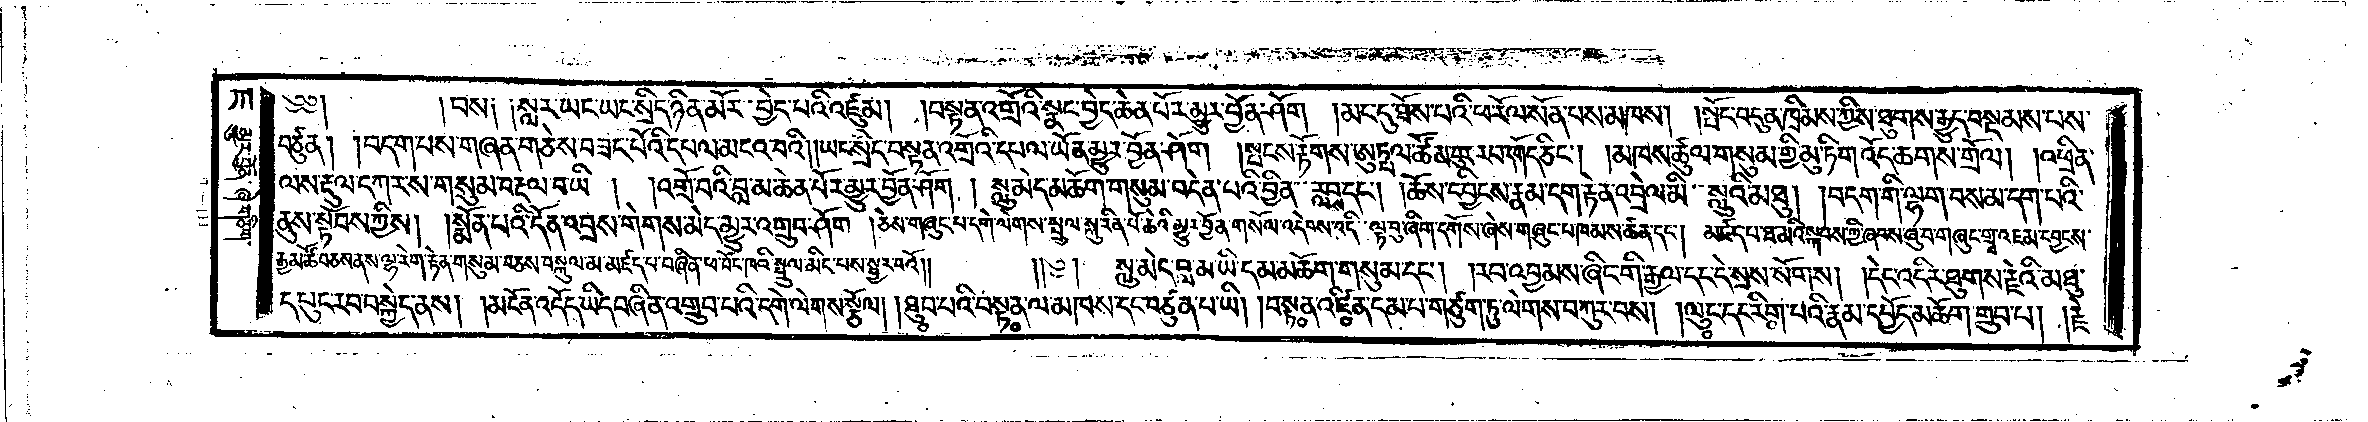༄༅། །བས༑ ༑སླར་ཡང་མང་སྲིད་ཉིན་མོར་བྱེད་པའི་འཛུམ། །བསྟན་འགྲོའི་སྣང་བྱེད་ཆེན་པོར་མྱུར་བྱོན་ཤོག །མང་དུ་ཐོས་པའི་ཕ་རོལ་སོན་བས་མཁས། །སྤོང་བདུན་ཁྲིམས་ཀྱིས་ཐུགས་རྒྱུད་བསྔམས་པས་
བཙུན། །བདག་པས་གཞན་གཅེས་བཟང་པོའི་དཔལ་མངའ་བའི། །ཡང་སྲིད་བསྟན་འགྲོའི་དཔལ་ཡོན་མྱུར་བྱོན་ཤོག །སྤངས་རྟོགས་ཨུཏྤལ་ཚོམ་བུར་རབ་དགོད་ཅིང་། །མཁས་ཚུལ་གསུམ་གྱི་མུ་ཏིག་འོད་ཆགས་གྲོལ། །འཕྲིན་
ལས་རྡུལ་དཀར་ས་གསུམ་བརྡལ་བ་ཡི། །འགྲོ་བའི་བླ་མ་ཆེན་པོར་མྱུར་བྱོན་ཤོག །སླུ་མེད་མཆོག་གསུམ་བདེན་པའི་བྱིན་རླབས་དང་། །ཆོས་དབྱིངས་རྣམ་དག་རྟེན་འབྲེལ་མི་བསླུའི་མཐུ། །བདག་གི་ལྷག་བསམ་དག་པའི་
ནུས་སྟོབས་ཀྱིས། །སྨོན་པའི་དོན་འབྲས་གེགས་མེད་མྱུར་འགྲུབ་ཤོག །ཅེས་གཞུང་པ་དགེ་ལེགས་སྤྲུལ་སྐུ་རིན་པོ་ཆེའི་མྱུར་བྱོན་གསོལ་འདེབས་འདི་ལྟ་བུ་ཞིག་དགོས་ཞེས་གཞུང་པ་ཁམས་ཚན་དང་། མཛད་པ་ཐ་མའི་སྐབས་ཀྱི་ཞབས་ཞུ་བ་གཞུང་གྲྭ་འཇམ་དབྱངས་
རྒྱ་མཚོ་བཅས་ནས་ལྷ་རེག་རྟེན་གསུམ་བཅས་བསྐུལ་མ་མཛད་པ་བཞིན་ཕ་བོང་ཁའི་སྤྲུལ་མིང་པས་སྦྱར་བའོ།། །། །སླུ་མེད་བླ་མ་ཡི་དམ་མཆོག་གསུམ་དང་། །རབ་འབྱམས་ཞིང་གི་རྒྱལ་དང་དེ་སྲས་སོགས། །དེང་འདིར་ཐུགས་རྗེའི་མཐུ་
དཔུང་རབ་བསྐྱེད་ནས། །མངོན་འདོད་ཡིད་བཞིན་འགྲུབ་པའི་དགེ་ལེགས་སྩོལ། །ཐུབ྾་པའི་བསྟན྾་ལ་མཁས་དང་བཙུན་པ་ཡི། །བསྟན྾་འཛིན྾་དམ་པ་གཙུག་ཏུ་ལེགས་བཀུར་བས། །ལུང྾་དང་རིགས྾་པའི་རྣམ་དཔྱོད་མཆོག་གྲུབ་པ། །རྗེ་